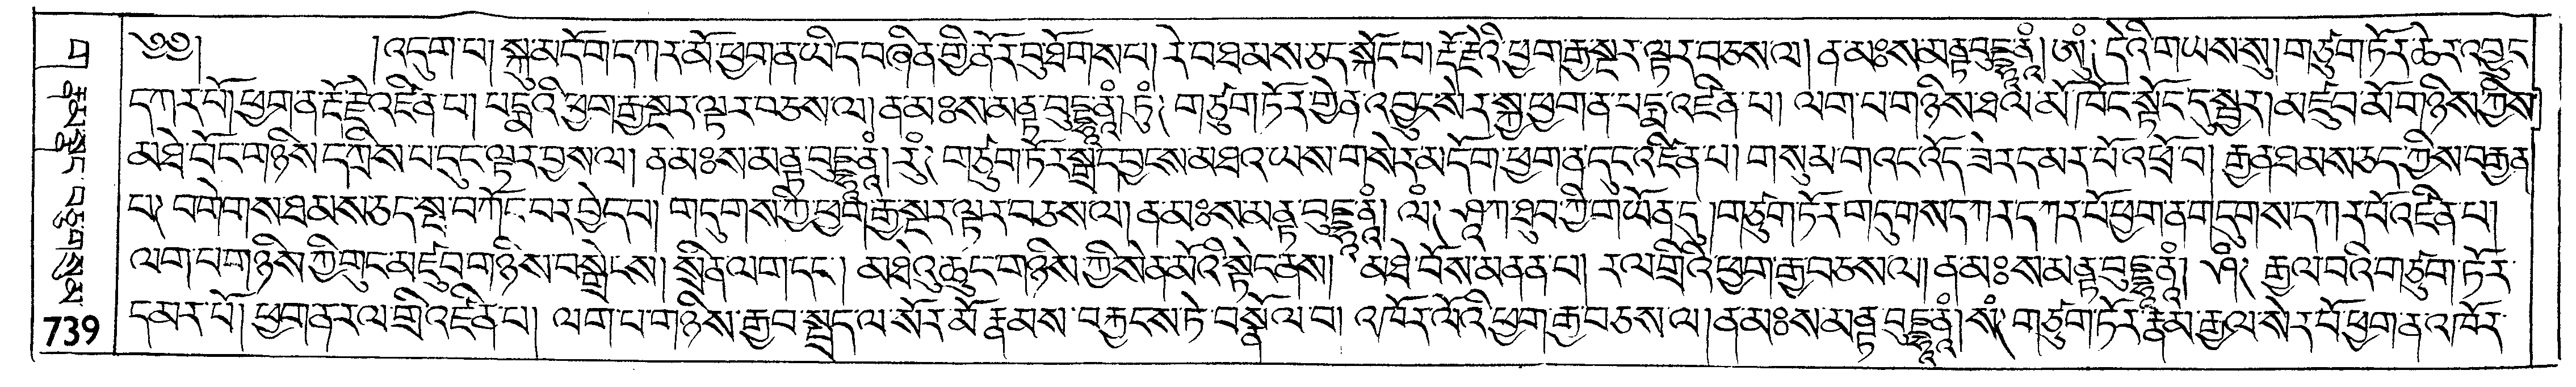༄༅། །འདུག་པ། སྐུ་མདོག་དཀར་མོ་ཕྱག་ན་ཡིད་བཞིན་གྱི་ནོར་བུ་ཐོགས་པ། རེ་བ་ཐམས་ཅད་སྐོང་བ། རྡོ་རྗེའི་ཕྱག་རྒྱ་སྔར་ལྟར་བཅས་ལ། ན་མཿ ས་མནྟ་བུདྡྷཱ་ནཱཾ། ཨུཾ། དེའི་གཡས་སུ། གཙུག་ཏོར་ཆེར་འབྱུང་
དཀར་པོ། ཕྱག་ན་རྡོ་རྗེ་འཛིན་པ། པདམའི་ཕྱག་རྒྱ་སྔར་ལྟར་བཅས་ལ། ན་མཿ ས་མནྟ་བུདྡྷཱ་ནཱཾ། ཏུཾ། གཙུག་ཏོར་གྱེན་འབྱུང་སེར་སྐྱ་ཕྱག་ན་པདམ་འཛིན་པ། ལག་པ་གཉིས་ཐལ་མོ་ཁོང་སྟོང་དུ་སྦྱར། མཛུབ་མོ་གཉིས་ཀྱིས་
མཐེ་བོང་གཉིས་དཀྲིས་པ་དུང་ལྟར་བྱས་ལ། ན་མཿ ས་མནྟ་བུདྡྷཱ་ནཱཾ། རུཾ། གཙུག་ཏོར་སྒྲ་དབྱངས་མཐའ་ཡས་གསེར་མདོག་ཕྱག་ན་དུང་འཛིན་པ། གསུམ་གའང་འོད་ཟེར་དམར་པོ་འཕྲོ་བ། རྒྱན་ཐམས་ཅད་ཀྱིས་བརྒྱན་
པ༑ བགེགས་ཐམས་ཅད་སྤ་བཀོང་བར་བྱེད་པ། གདུགས་ཀྱི་ཕྱག་རྒྱ་སྔར་ལྟར་བཅས་ལ། ན་མཿ ས་མནྟ་བུདྡྷཱ་ནཱཾ། ལཾ། ཤཱཀ་ཐུབ་ཀྱི་གཡོན་དུ། གཙུག་ཏོར་གདུགས་དཀར་དཀར་པོ་ཕྱག་ན་གདུགས་དཀར་པོ་འཛིན་པ།
ལག་པ་གཉིས་ཀྱི་གུང་མཛུབ་གཉིས་བསྒྲེངས། སྲིན་ལག་དང་། མཐེའུ་ཆུང་གཉིས་ཀྱི་སེན་མོའི་སྟེང་ནས། མཐེ་བོས་མནན་པ། རལ་གྲིའི་ཕྱག་རྒྱ་བཅས་ལ། ན་མཿ ས་མནྟ་བུདྡྷཱ་ནཱཾ། ཤཾ། རྒྱལ་བའི་གཙུག་ཏོར་
དམར་པོ། ཕྱག་ན་རལ་གྲི་འཛིན་པ། ལག་པ་གཉིས་རྒྱབ་སྤྲད་ལ་སོར་མོ་རྣམས་བརྐྱངས་ཏེ་བསྣོལ་བ། འཁོར་ལོའི་ཕྱག་རྒྱ་བཅས་ལ། ན་མཿ ས་མནྟ་བུདྡྷཱ་ནཱཾ། སཾ། གཙུག་ཏོར་རྣམ་རྒྱལ་སེར་པོ་ཕྱག་ན་འཁོར་